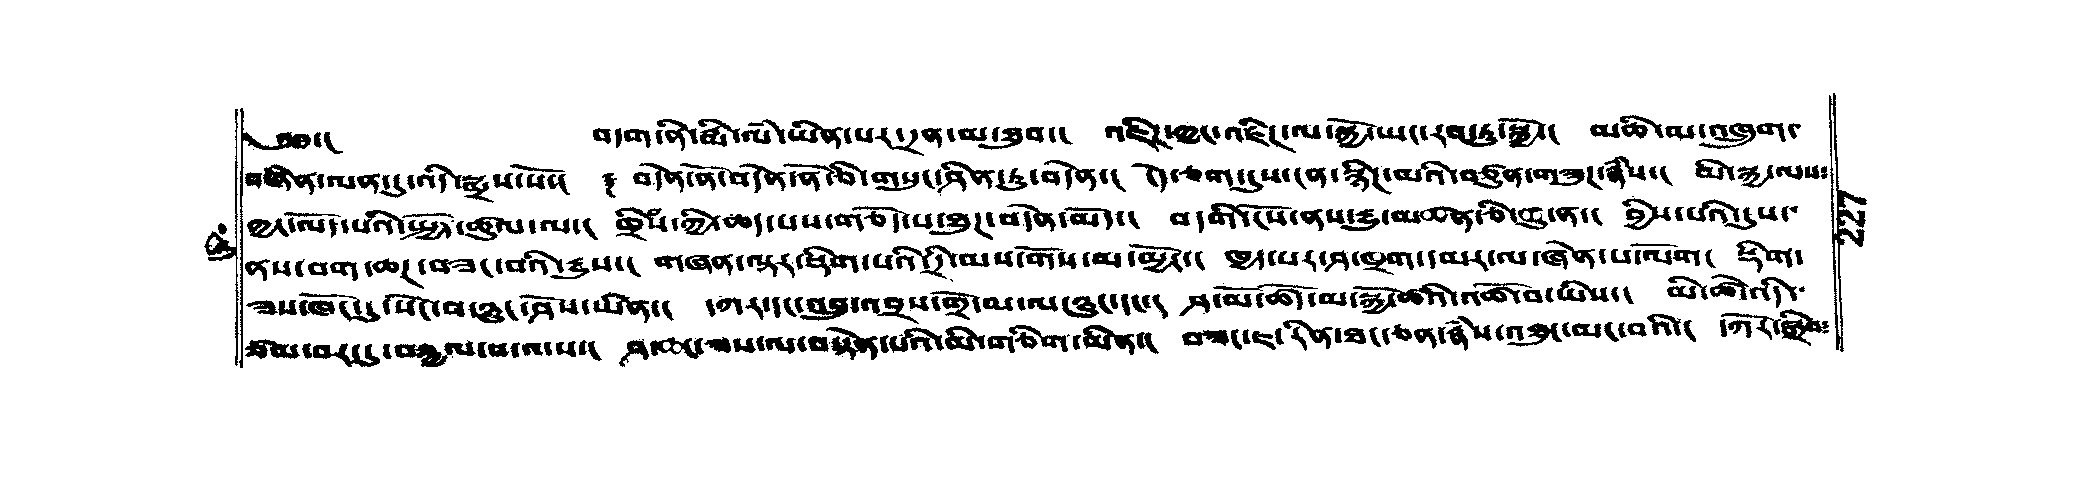།བདག་ནི་རྨི་ལམ་ཡིན་པར་དྲན་མ་ཐུབ། །འཇིགས་ཀྱང་འཇིགས་ལ་སྐྱོ་ཡང་རབ་ཏུ་སྐྱོ། །མཆི་མ་འཁྲུག་
བཞིན་ལན་དུ་འདི་སྨྲས་སོ། ༈ བདེན་ནོ་བདེན་ནོ་ཅི་གསུང་ཤིན་ཏུ་བདེན། །ངེད་ཅག་དུས་ངན་སྙིགས་མའི་བཙུན་གཟུགས་རྣམས། །མི་སྐྱ་ལས་
ཀྱང་ལོད་པའི་སྤྱོད་ཡུལ་ལ། །ཁྲིམས་ཀྱི་ཆད་པས་གཅོད་པ་ཐུགས་བདེན་མོད། །བདག་གི་ངོས་ནས་རྒྱུ་མཚན་ཅི་ཞུ་ན། །བྱིས་པའི་དུས་
ནས་བག་ཆགས་བཟང་བའི་རྒྱུས། །གཞན་ལྟར་སྡིག་པའི་དྲི་མས་གོས་མ་མྱོང་། །ཁྱད་པར་ཤ་ཁྲག་དམར་ལ་ཞེན་པ་ལོག །སྡིག་
ཟས་ཁོང་དུ་སོང་བ་ཉུང་ཤོས་ཡིན། །དཀར་དང་འབྲུ་འབྲས་གོ་མ་ལ་ཉུང་དང་། །ཤ་མོ་ཚོད་མ་སྐྱོ་ཚའི་འཚོ་བ་ཡིས། །མི་ཚེ་འདི་
ཙམ་བར་དུ་བསྐྱལ་པ་ལས། །ཤ་ཆང་ཟས་ལ་བསྟེན་པའི་མི་གཅིག་མིན། །བཟང་ཇ་རིན་ཐང་ཅན་རྣམས་འཐུང་མང་བའི། །དཀོར་སྒྲིབ་